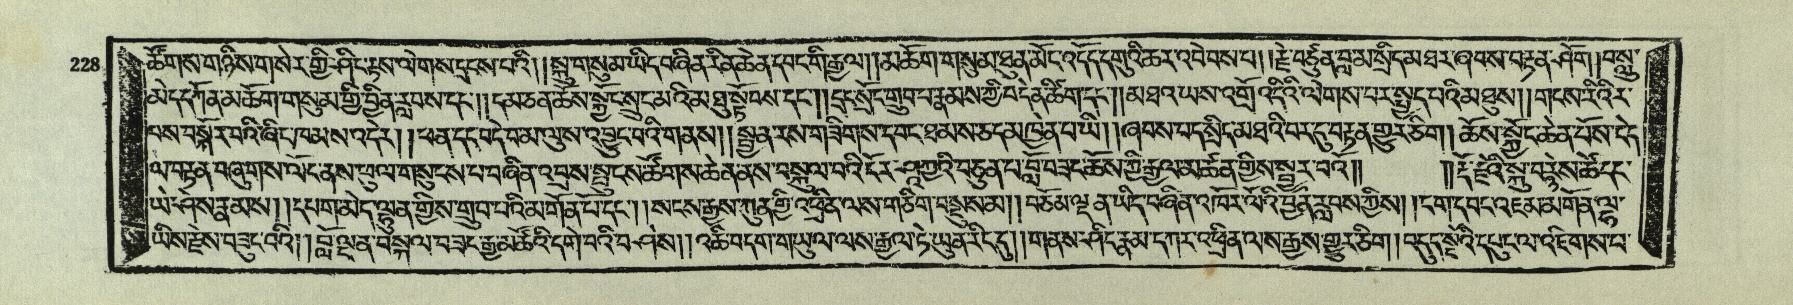ཚོགས་གཉིས་གསེར་གྱི་ཤིང་རྟས་ལེགས་དྲངས་པའི། །སྐུ་གསུམ་ཡིད་བཞིན་རིན་ཆེན་དབང་གི་རྒྱལ། །མཆོག་གསུམ་ཐུན་མོང་འདོད་དགུའི་ཆར་འབེབས་པ། །རྗེ་བཙུན་བླ་མ་སྲིད་མཐར་ཞབས་བརྟན་ཤོག །བསླུ་
མེད་དཀོན་མཆོག་གསུམ་གྱི་བྱིན་རླབས་དང་། །དམ་ཅན་ཆོས་སྐྱོང་སྲུང་མའི་མཐུ་སྟོབས་དང་། །དྲང་སྲོང་གྲུབ་པ་རྣམས་ཀྱི་བདེན་ཚིག་དང་། །མཐའ་ཡས་འགྲོ་འདིའི་ལེགས་པར་སྤྱད་པའི་མཐུས། །གངས་རིའི་ར་
པས་བསྐོར་བའི་ཞིང་ཁམས་འདེར། །ཕན་དང་བདེ་བ་མ་ལུས་འབྱུང་བའི་གནས། །སྤྱན་རས་གཟིགས་དབང་ཐམས་ཅད་མཁྱེན་པ་ཡི། །ཞབས་པད་སྲིད་མཐའི་བར་དུ་བརྟན་གྱུར་ཅིག། ཆོས་སྐྱོང་ཆེན་པོས་ངེད་
ལ་བརྟན་བཞུགས་ལོང་ནས་ཕུལ་གསུངས་པ་བཞིན་འབྲས་སྤུངས་ཚོགས་ཆེན་ནས་བསྐུལ་བའི་ངོར་ཤཱཀྱའི་བཅུན་པ་བློ་བཟང་ཆོས་ཀྱི་རྒྱལ་མཚན་གྱིས་སྦྱར་བའོ།། །།རྡོ་རྗེའི་སྐུ་བརྙེས་ཚེ་དང་
ཡེ་ཤེས་རྣམས། །དཔག་མེད་ལྷུན་གྱིས་གྲུབ་པའི་མགོན་པོ་དང་། །སངས་རྒྱས་ཀུན་གྱི་འཕྲིན་ལས་གཅིག་བསྡུས་མ། །བཅོམ་ལྡན་ཡིད་བཞིན་འཁོར་ལོའི་བྱྀན་རླབས་ཀྱིས། །ངག་དབང་འཇམ་མགོན་ལྷ་
ཡིས་རྗེས་བཟུང་བའི། །བློ་ལྡན་བསྐལ་བཟང་རྒྱ་མཚོའི་དགེ་བའི་བཤེས། །འཆི་བདག་གཡུལ་ལས་རྒྱལ་ཏེ་ཡུན་རིང་དུ། །གནས་ཤིང་རྣམ་དཀར་འཕྲིན་ལས་རྒྱས་གྱུར་ཅིག། བདུད་སྔོའི་དཔུང་ལ་འཇིགས་པ་